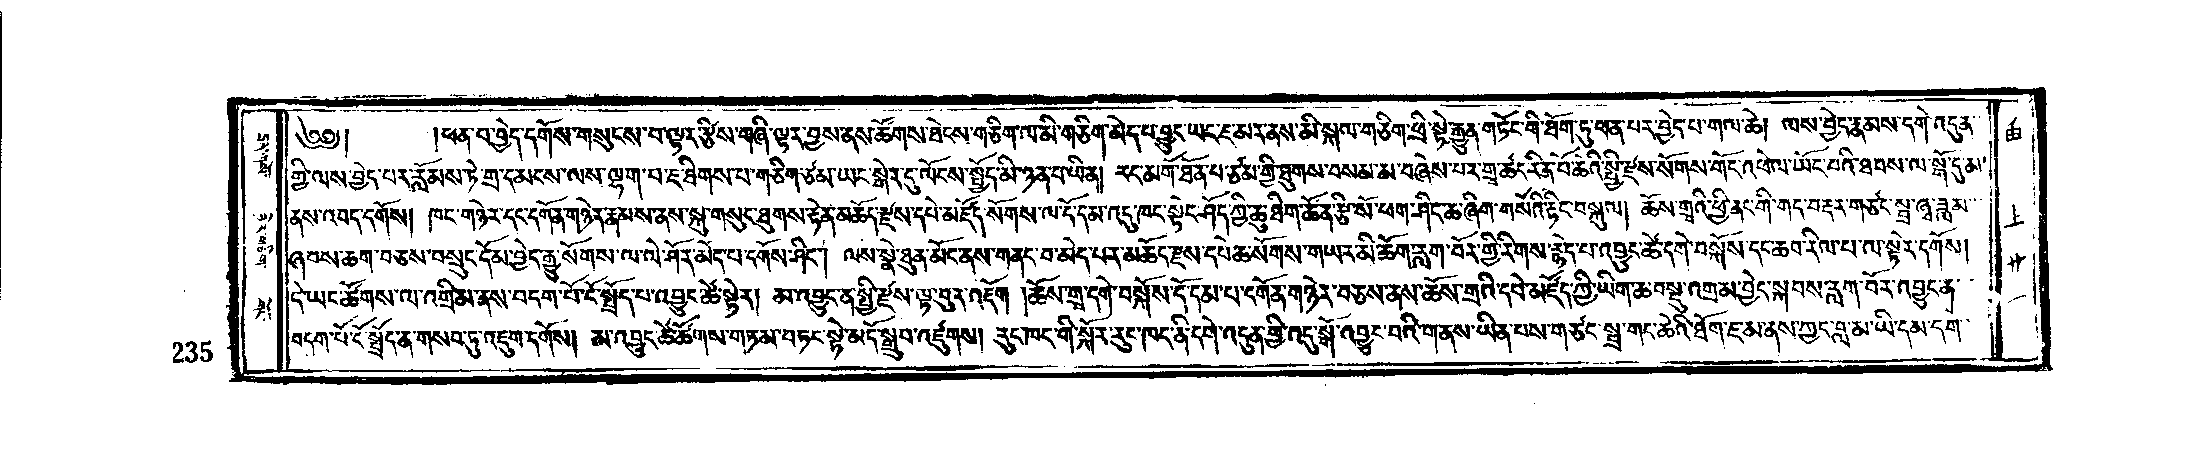༄༅། །ཕན་བ་བྱེད་དགོས་གསུངས་བ་ལྟར་རྩིས་གཞི་ལྟར་བྱས་ནས་ཚོགས་ཐེངས་གཅིག་ལ་མི་གཅིག་མེད་པ་བྱུང་ཡང་ཇ་མར་ནས་མི་སྐལ་གཅིག་ཕྲི་སྟེ་རྒྱུན་གཏོང་གི་ཐོག་ཏུ་ཕན་པར་བྱེད་པ་གལ་ཆེ། ལས་བྱེད་རྣམས་དགེ་འདུན་
གྱི་ལས་བྱེད་པར་རློམས་ཏེ་གྲ་དམངས་ལས་ལྷག་པ་ཇ་ཐིགས་པ་གཅིག་ཙམ་ཡང་སྒེར་དུ་ལོངས་སྤྱོད་མི་ཉན་པ་ཡིན། རང་མགོ་ཐོན་པ་ཙམ་གྱི་ཐུགས་བསམ་མ་བཞེས་པར་གྲྭ་ཚར་རིན་པོ་ཆེའི་སྤྱི་རྫས་སོགས་གོང་འཕེལ་ཡོང་བའི་ཐབས་ལ་སྒོ་དུ་མ་
ནས་འབད་དགོས། ཁང་གཉེར་དང་དགོན་གཉེར་རྣམས་ནས་སྐུ་གསུང་ཐུགས་རྟེན་མཆོད་རྫས་དཔེ་མཛོད་སོགས་ལ་དོ་དམ་འདུ་ཁང་སྟེང་ཤོད་ཀྱི་ཆུ་ཐིག་ཚོན་རྩི་སོ་ཕག་ཤིང་ཆ་ཞིག་གསོའི་རྟིང་བསྐུལ། ཆོས་གྲྭའི་ཕྱི་ནང་གི་གད་བརྡར་གཙང་སྦྲ་ཞྭ་ཟླམ་
ཞབས་ཆག་བཅས་བསྲུང་དོམ་བྱེད་རྒྱུ་སོགས་ལ་ལེ་ཤོར་མེད་པ་དགོས་ཤིང་། ལས་སྣེ་ཐུན་མོང་ནས་གནང་བ་མེད་པར་མཆོད་རྫས་དཔེ་ཆ་སོགས་གཡར་མི་ཆོག་རླག་བོར་གྱི་རིགས་རྙེད་པ་འབྱུང་ཚེ་དགེ་བསྐོས་དང་ཆབ་རིལ་པ་ལ་སྟེར་དགོས།
དེ་ཡང་ཚོགས་ལ་འགྲིམ་ནས་བདག་པོ་ངོ་སྤྲོད་པ་འབྱུང་ཚེ་སྟེར། མ་འབྱུང་ན་སྤྱི་རྫས་ལྟ་བུར་འཇོག །ཆོས་གྲྭ་དགེ་བསྐོས་དོ་དམ་པ་དགོན་གཉེར་བཅས་ནས་ཆོས་གྲའི་དཔེ་མཛོད་ཀྱི་ཡིག་ཆ་བསྡུ་འགྲམ་བྱེད་སྐབས་རླག་བོར་འབྱུང་ན་
བདག་པོ་ངོ་སྤྲོད་ན་གསབ་ཏུ་འཇུག་དགོས། མ་འབྱུང་ཚེ་ཚོགས་གཏམ་བཏང་སྟེ་མདོ་སྒྲུབ་འཛུགས། རུང་ཁང་གི་སྐོར་རུང་ཁང་ནི་དགེ་འདུན་གྱི་འདུ་སྒོ་འབྱུང་བའི་གནས་ཡིན་པས་གཙང་སྦྲ་གང་ཆེའི་ཐོག་ཇ་མ་ནས་ཀྱང་བླ་མ་ཡི་དམ་དགེ་